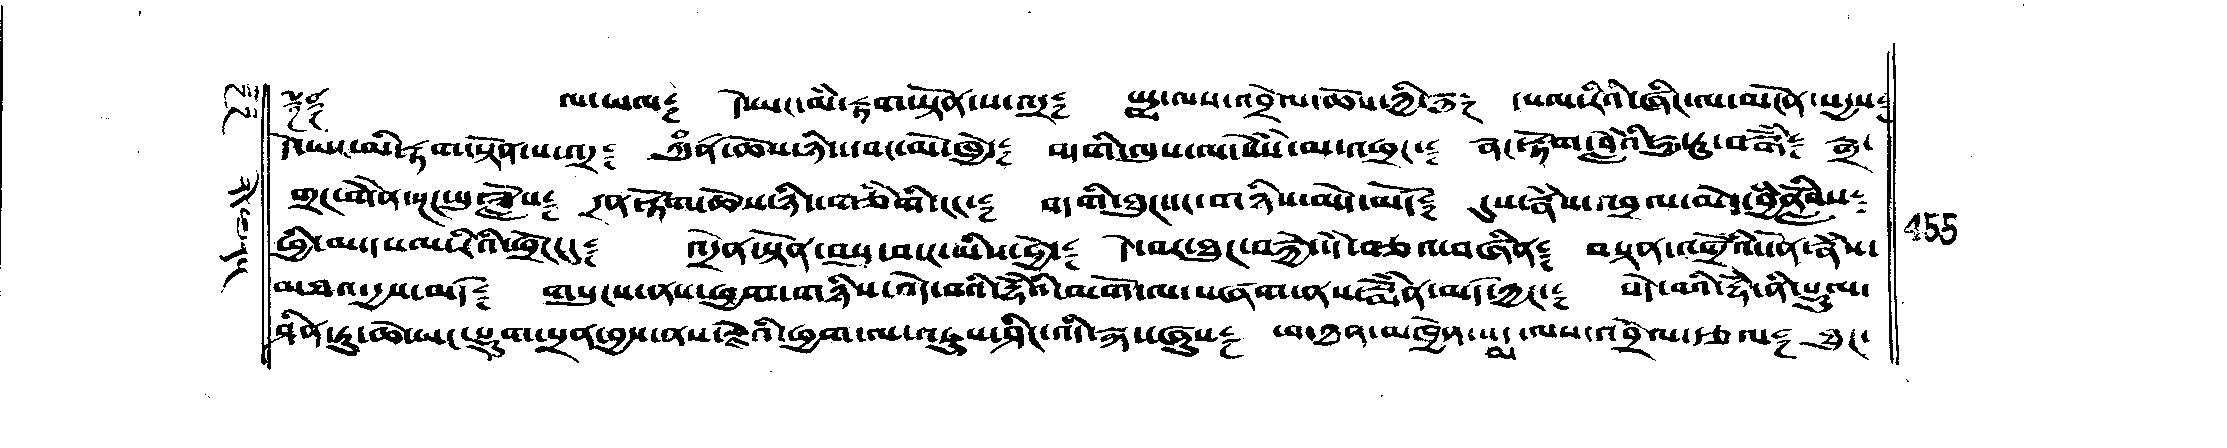ལ་ཡལ། །དེ་ཡང་མི་རྟག་སྟོན་པ་འདྲ། །པདྨ་ལས་འབྲེལ་ཆོས་ཀྱི་སྐུ། །དཔལ་རིའི་ཞིང་ལ་མངོན་སངས་རྒྱས། །
དེ་ཡང་མི་རྟག་སྟོན་པ་འདྲ། །ཀུན་བཟང་ཆོས་ཉིད་དབང་མོ་ཁྱེད། །བདག་གི་ལུས་ལ་སེམས་མ་འཁྲང་། །སྣང་རྟོག་བླ་མའི་སྐུ་རུ་བསྒོམ། །སྒྲ་
གྲགས་བདེ་ཆེན་སྔགས་སུ་ཟློས། །དྲན་རྟོག་ཆོས་ཉིད་གཅིག་གི་ངང་། །བདག་གི་ཐུགས་དང་གཉིས་མེད་མཛོད། །དུས་རྣམས་འབྲལ་མེད་བྱིན་གྱིས་རློབས། །
ཕྱི་མ་དཔལ་རིའི་ཕོ་བྲང་དུ། །འདྲེན་སྟོན་བསུ་བ་ང་ཡིས་བྱེད། །དེ་བར་ཐུགས་བསྐྱེད་དམ་བཅའ་བཞིན། །བསྟན་འགྲོའི་དོན་རྣམས་
མཐའ་རྒྱས་མཛོད། །གསུངས་ནས་ཕྱག་གཉིས་བདེ་བའི་རྡོ་རྗེའི་མགོ་ལ་བཞག་ནས་སྨོན་ལམ་མཛད་ཀྱང་། བདེ་བའི་རྡོ་རྗེ་ནི་སྡུག་བསྔལ་
ཤིན་ཏུ་ཆེ་ཡང་སྡུག་སྲན་བྱས་ནས་རྗེའི་ཕྱག་ལ་འཇུས་ཤིང་འདི་སྐད་ཞུས། ཕ་ཀུན་མཁྱེན་པདྨ་ལས་འབྲེལ་རྩལ། །ཐུགས་